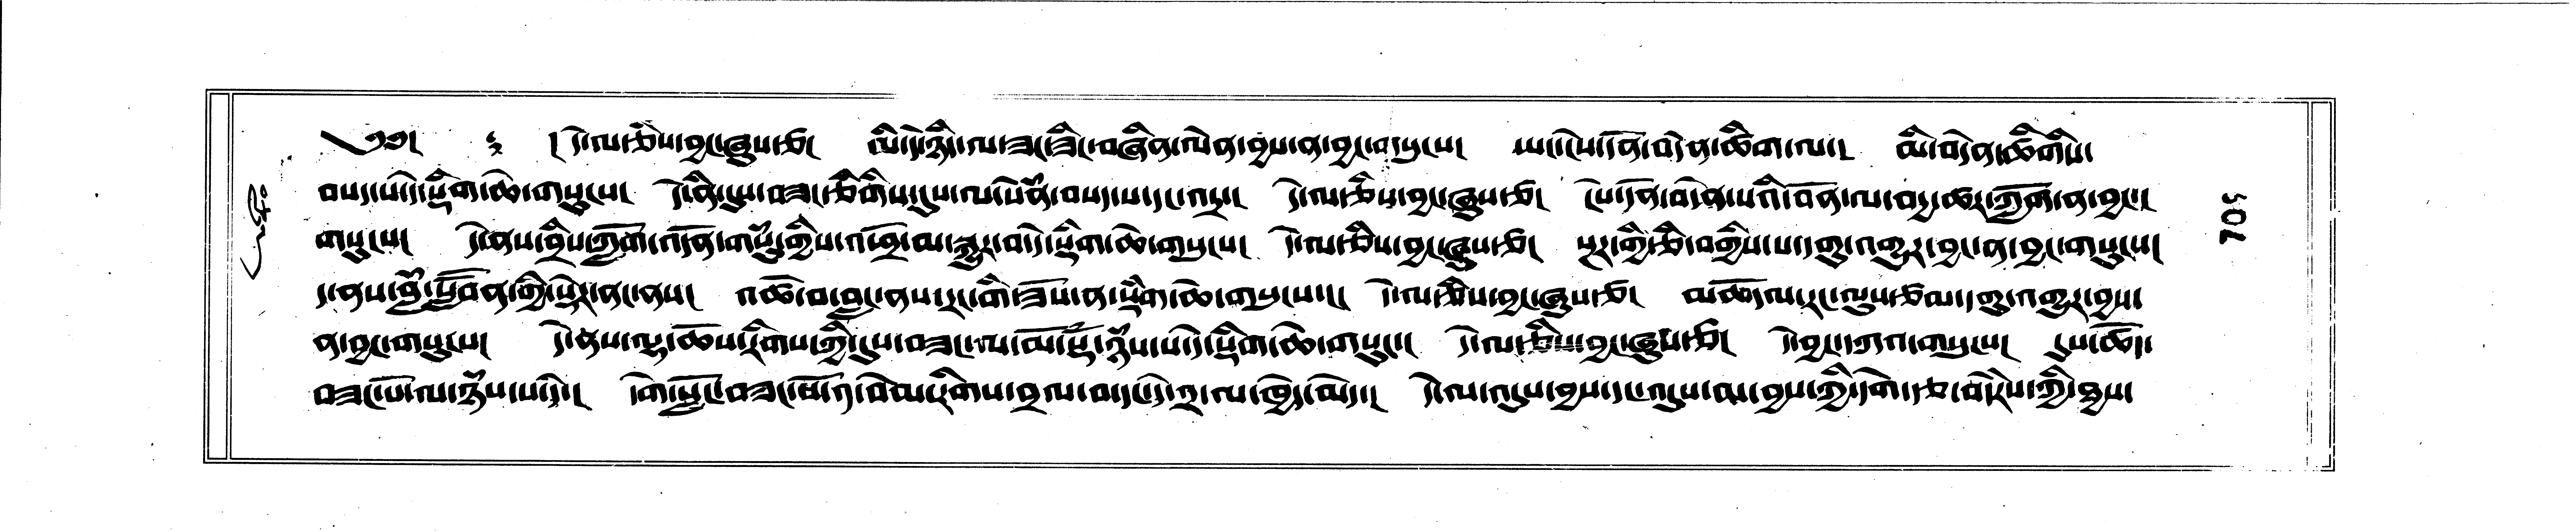དེ་ཅིས་བྱང་ཞུས་ཙ། དེ་ཉིད་ལ་ཟང་ཟིང་གིས་ཚིག་ཕྱིར་ལེན་བྱས་ནས་བྱང་གསུངས། ཡང་ངེས་དོན་ཚིག་ལ་ མི་བདེན་ཚིཌ་གིས་
བསད་པ་དེ་སྡིག་ཆེ་གསུངས། དེ་ནི་དུས་བཟང་གཅིག་ལ་སེམས་ཅན་བསད་པ་དང་འདྲ་གསུངས། དེ་ཅིས་བྱང་ཞུས་པས། ངེས་དོན་བདེན་བའི་བོན་ལ་བརྒྱ་ཚར་བྱས་ན་བྱང་
གསུངས། དེ་ནས་བྲིས་ཀློཌ་འདོན་གསུམ་གྱིས་འཕྲོ་མ་སྐྱུར་པ་དེ་སྡིག་ཆེ་གསུངས། དེ་ཅིས་བྱང་ཞུས་ཙ། སྔར་བྲིས་པ་ཙམ་དགུ་འགྱུར་གཅིག་བྱས་ན་བྱང་གསུངས། 
དེ་ནས་བླ་མ་སློབ་དཔོན་གྱིས་སྡེར་ནང་ནས་འཚོ་བ་བླང་ནས་ཟོས་ན་སྡིག་ཆེ་གསུངས། དེ་ཅིས་བྱང་ཞུས་ཙ། མཆོད་འབུལ་རང་ལུས་ཙམ་དགུ་འགྱུར་བྱས་
ན་བྱང་གསུངས། དེ་ནས་ལྷ་ཆོས་པའི་རིགས་ཀྱི་དུས་བཟང་པོ་ལ་མོ་སྡོམ་ཤོར་བ་དེ་སྡིག་ཆེ་གསུངས། དེ་ཅིས་བྱང་ཞུས་ཙ། དུས་ཚོད་
བཟང་པོ་ལ་ཉམས་པ་དེ་དགེ་སློང་པ་གཅིག་བེམ་རིག་ཕྲལ་བ་དང་འདྲ་གསུངས། དེ་ཅིས་བྱང་ཞུས་ཙ། དེ་ལ་འདུས་བྱས་ཀྱིས་དགེ་རྩ་